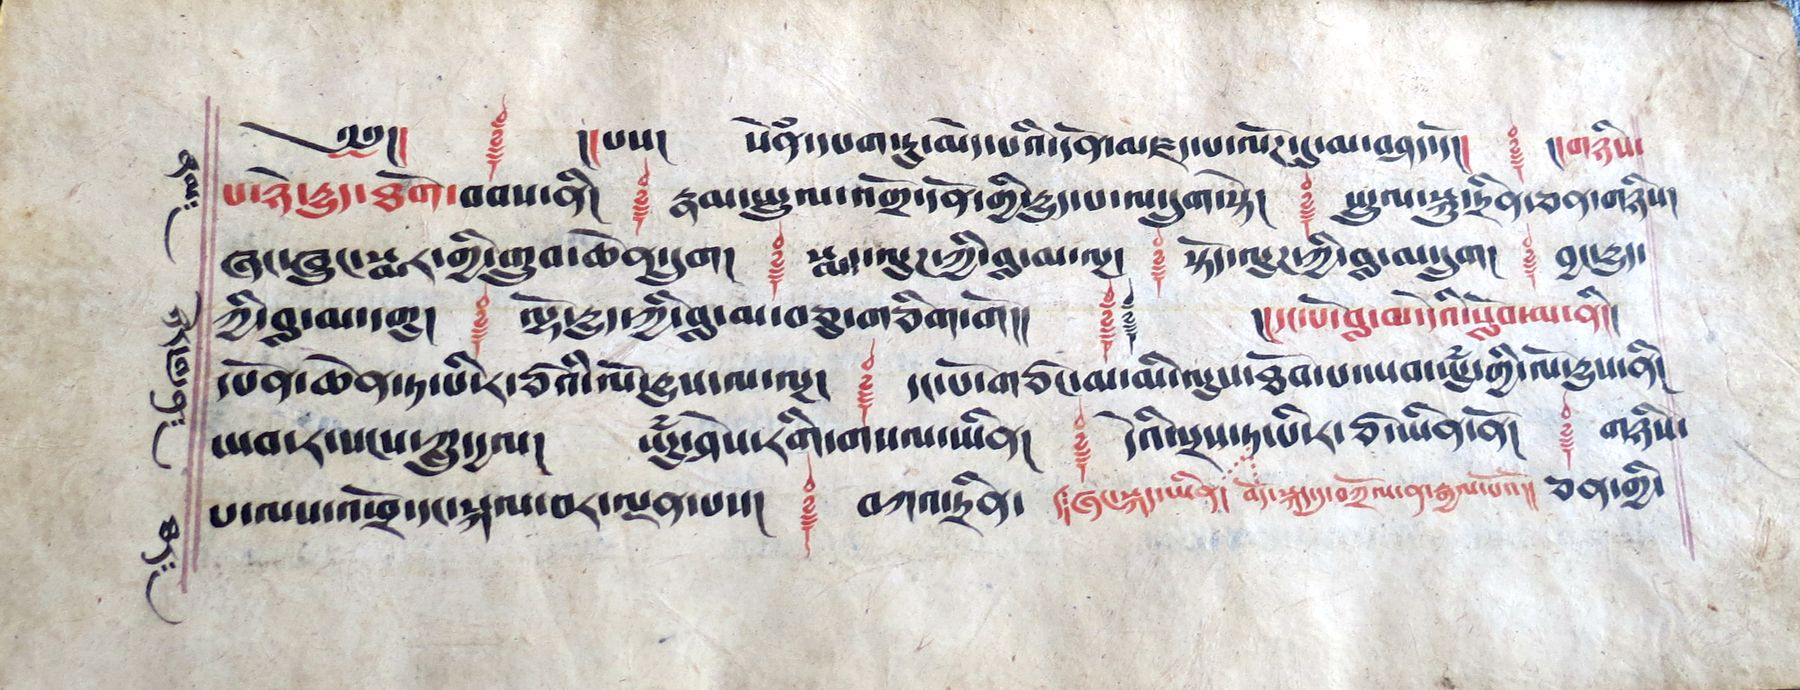པས། སེམས་ཅན་དཔག་ཏུ་མེད་པའི་དོན་མཛད་པ་ལས་སོགས་དུ་མར་བཤད་དོ། ། གཉིས་
པ་ཉེ་བརྒྱུད་ཐོག་བབས་ནི། རྣམ་སྤྲུལ་འགྲོ་དོན་གྱི་བརྒྱུད་པ་ལ་དྲུག་སྟེ། སྤྲུལ་སྐུ་དྲིན་ཅན་གཉིས། 
ཞང་ཞུང་སྨར་གྱི་གྲུབ་ཆེན་དྲུག སྨད་ལུགས་ཀྱི་བླ་མ་ལྔ། སྟོད་ལུགས་ཀྱི་བླ་མ་དྲུག བྱང་རྒྱུད་
ཀྱི་བླ་མ་དགུ། ལྷོ་རྒྱུད་ཀྱི་བླ་མ་བཅུ་གཅིག་གོ། དང་པོ་བླ་མ་དེའི་སློབ་མ་ནི། 
དཔོན་ཆེན་ཏ་པི་ར་ཙའི་ལོ་རྒྱུས་ལ་ལྔ། དང་པོ་གཙང་མ་མི་ལུས་ཐོབ་པ་ཡབ་དང་ཡུམ་གྱི་ལོ་རྒྱུས་ནི། 
ཡབ་ར་སངས་ཀླུ་རྒྱལ། ཡུམ་ཤེས་རིག་གསལ་ཡིན། དེའི་སྲས་ཏ་པི་ར་ཙ་ཡིན་ནོ། (ཞང་སྐད་ཡིན་བོད་སྐད་དུ་བཀྲོལ་ན་རྒྱལ་པོའོ། ) གཉིས་
པ་ལས་འཕྲོ་དང་སྐལ་པར་ལྡན་པས། བཀའ་དྲིན་ཅན་གྱི་